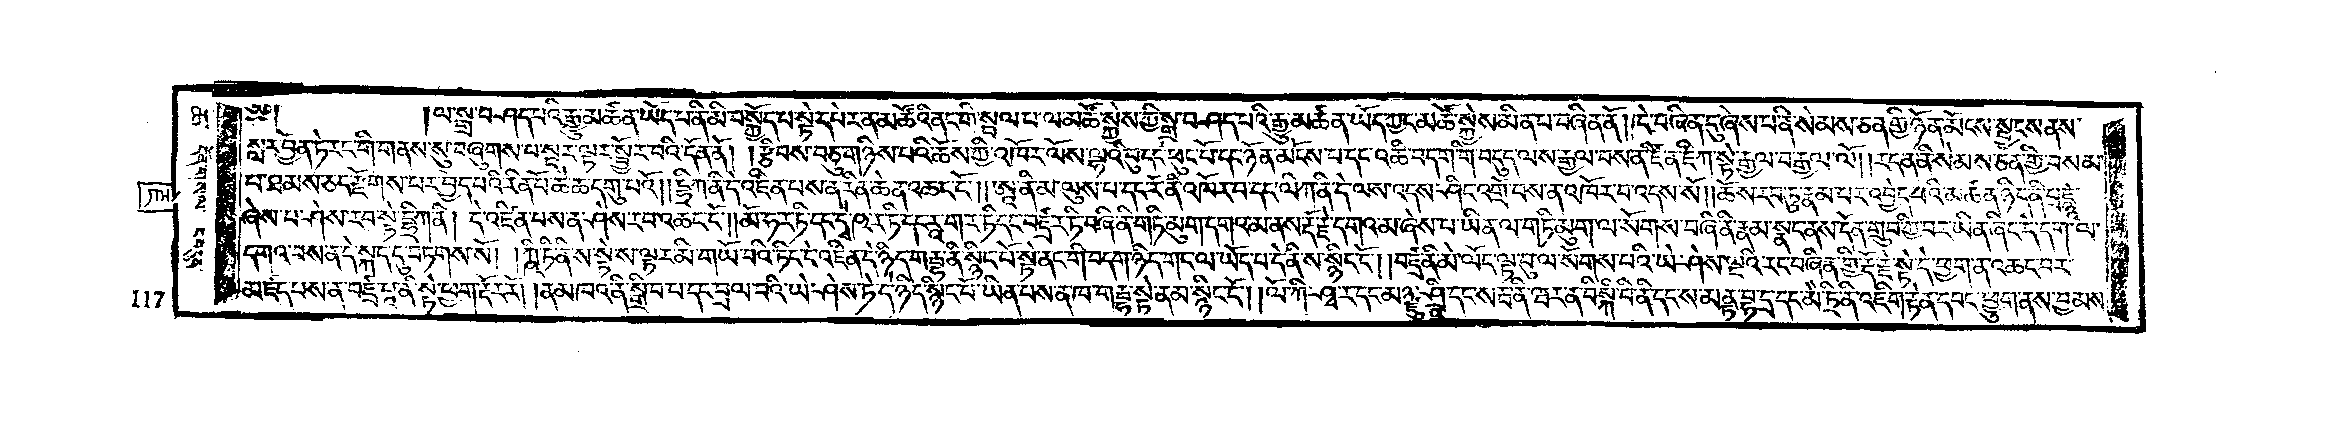༄༅། །ལ་སྒྲ་བཤད་པའི་རྒྱུ་མཚན་ཡོད་པ་ནི་མི་བསྐྱོད་པ་སྟེ་དཔེར་ན་མཚོའི་ནང་གི་སྦལ་པ་ལ་མཚོ་སྐྱེས་ཀྱི་སྒྲ་བཤད་པའི་རྒྱུ་མཚན་ཡོད་ཀྱང་མཚོ་སྐྱེས་མིན་པ་བཞིན་ནོ། །དེ་བཞིན་དུ་ཞེས་པ་ནི་སེམས་ཅན་གྱི་ཉོན་མོངས་སྦྱངས་ནས་
སླར་བྱོན་ཏེ་རང་གི་གནས་སུ་བཞུགས་པ་སྔར་ལྟར་སྦྱོར་བའི་དོན་ནོ། །རྩིབས་བཅུ་གཉིས་པའི་ཆོས་ཀྱི་འཁོར་ལོས་ལྷའི་བུ་དང་ཕུང་པོ་དང་ཉོན་མོངས་པ་དང་འཆི་བདག་གི་བདུད་ལས་རྒྱལ་བས་ན་ཛི་ན་ཛི་ཀ་སྟེ་རྒྱལ་བ་རྒྱལ་ལོ། །རད་ན་ནི་སེམས་ཅན་གྱི་བསམ་
པ་ཐམས་ཅད་རྫོགས་པར་བྱེད་པའི་རིན་པོ་ཆེ་ཆ་དགུ་པའོ། །དྷྲི་ཀ་ནི་དེ་འཛིན་པས་ན་རིན་ཆེན་འཆང་ངོ། །ཨཱ་ནི་མ་ལུས་པ་དང་རོ་ནི་འཁོར་བ་དང་ལིཀ་ནི་དེ་ལས་འདས་ཤིང་འགྲོ་བས་ན་འཁོར་བ་འདས་སོ། །ཆོས་རབ་ཏུ་རྣམ་པར་འབྱེད་པའི་མཚན་ཉིད་ནི་པྲ་ཛྙཱ་
ཞེས་པ་ཤེས་རབ་སྟེ་དྷྲི་ཀ་ནི། དེ་འཛིན་པས་ན་ཤེས་རབ་འཆང་ངོ། །མོ་ཧ་ར་ཏི་དང་དྭེ་ཥ་ར་ཏི་དང་རཱ་ག་ར་ཏི་དང་བཛྲ་ར་ཏི་བཞི་ནི་གཏི་མུག་དགའ་མ་ནས་རྡོ་རྗེ་དགའ་མ་ཞེས་པ་ཡིན་ལ་གཏི་མུག་ལ་སོགས་བཞི་ནི་རྣམ་སྣང་ནས་དོན་གྲུབ་ཀྱི་བར་ཡིན་ཞིང་དེ་དག་ལ་
དགའ་བས་ན་དེ་སྐད་དུ་བཏགས་སོ། །ཀྵི་ཏི་ནི་ས་སྟེ་ས་ལྟར་མི་གཡོ་བའི་ཏིང་ངེ་འཛིན་དེ་ཉིད་གརྦྷ་ནི་སྙིང་པོ་སྟེ་ནང་གི་བདག་ཉིད་གང་ལ་ཡོད་པ་དེ་ནི་ས་སྙིང་ངོ། །བཛྲ་ནི་མེ་ལོང་ལྟ་བུ་ལ་སོགས་པའི་ཡེ་ཤེས་ལྔའི་རང་བཞིན་གྱི་རྡོ་རྗེ་སྟེ་དེ་ཕྱག་ན་འཆང་བར་
མཛད་པས་ན་བཛྲ་པཱ་ནི་སྟེ་ཕྱག་རྡོར་རོ། །ནམ་མཁའ་ནི་སྒྲིབ་པ་དང་བྲལ་བའི་ཡེ་ཤེས་ཏེ་དེ་ཉིད་སྙིང་པོ་ཡིན་པས་ན་ཁ་གརྦྷ་སྟེ་ནམ་སྙིང་ངོ། །ལོ་ཀི་ཤྭ་ར་དང་མཉྫུ་ཤྲཱི་དང་སརྦ་ནི་ཝར་ན་བིསཀཾ་བི་ནི་དང་ས་མནྟ་བྷ་དྲ་དང་མཻ་ཏྲི་ནི་འཇིག་རྟེན་དབང་ཕྱུག་ནས་བྱམས་